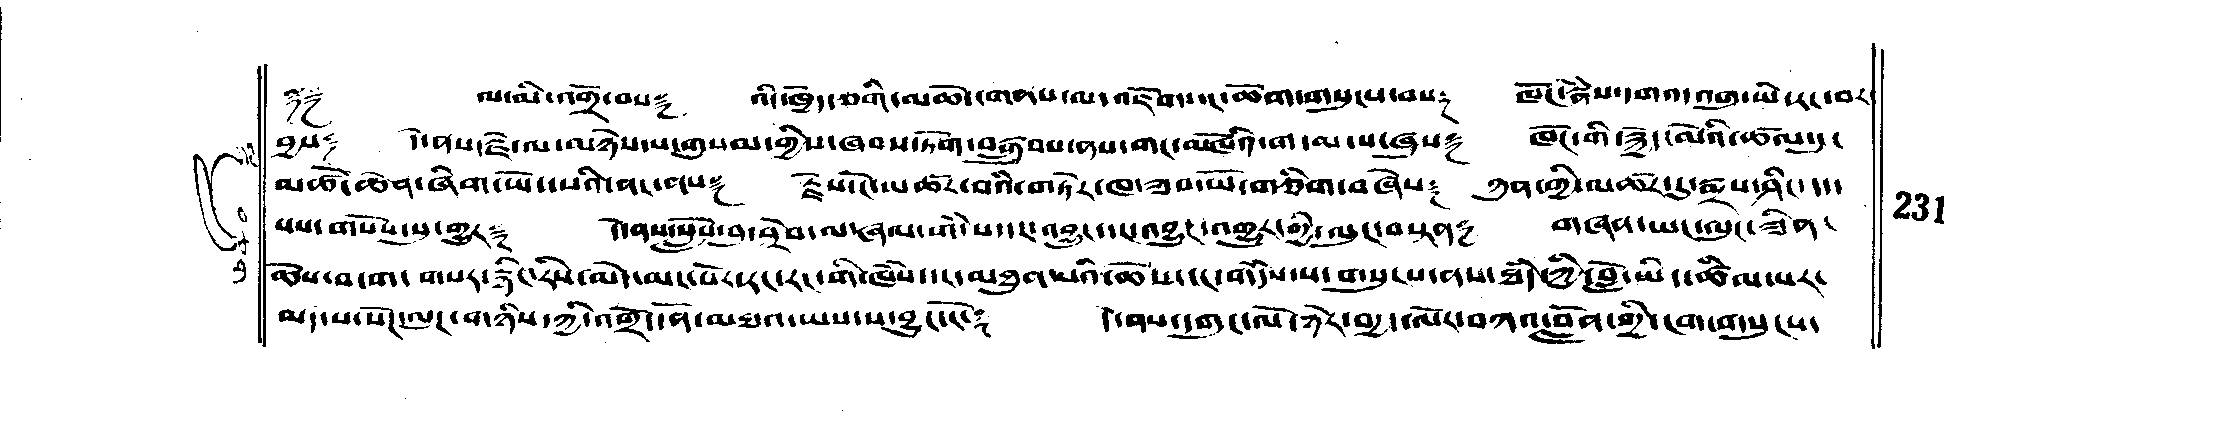ལ་མི་འགྲོ་པས། འདི་ཁྱེད་ལྕག་གི་མཆོད་གནས་ལ་འཇོག་དང་ཆོག་གསུངས་བས། ཁོང་རྣམས་དགའ་མགུ་ཡི་རང་བར་
བྱས། དེ་ནས་རྗེ་ལ་མཉེས་པ་གསུམ་གྱིས་ཞབས་ཏོག་བསྒྲུབས་ནས་གང་མཁོའི་གདམས་པ་ཞུས། ཁོང་གི་སྐྱེད་མོའི་ཚལ་དུ་
མཚོ་ཆེན་ཞིག་ཡོད་པའི་ནང་ནས། རྗེས་ངོ་མཚར་བའི་གཏེར་ཁ་ཟབ་མོ་གཅིག་བཞེས། ཀུན་གྱི་མཚར་དུ་སྨྲས་ཤིང་དད་
པས་གསོས་སུ་གྱུར། དེ་ནས་སློབ་བུ་ཤེས་རབ་ལ་ཞལ་གདམས་དང་འབྱུང་དང་འབྱུང་འགྱུར་གྱི་ལུང་བསྟན། གཞན་ཡང་ལུང་ཟིན་
ཆོས་བདག་གསར་རྙིང་རིས་མེད་མང་པོར་རང་རང་གི་ཁམས་དང་མཐུན་པའི་ཆོས་དང་གདམས་པ་གསུངས་ནས་ཐམས་ཅད་ཀྱི་བློ་ཡིད་ཚིམ་པར་
མཛད་པ་སོགས་ལུགས་གཉིས་ཀྱི་འགྲོ་དོན་མཐའ་ཡས་པ་བྱུང་ངོ་། དེ་ནས་དགུང་ལོ་ཉེར་བརྒྱད་ལོར་བཀའ་བློན་གྱི་ངག་གསུང་